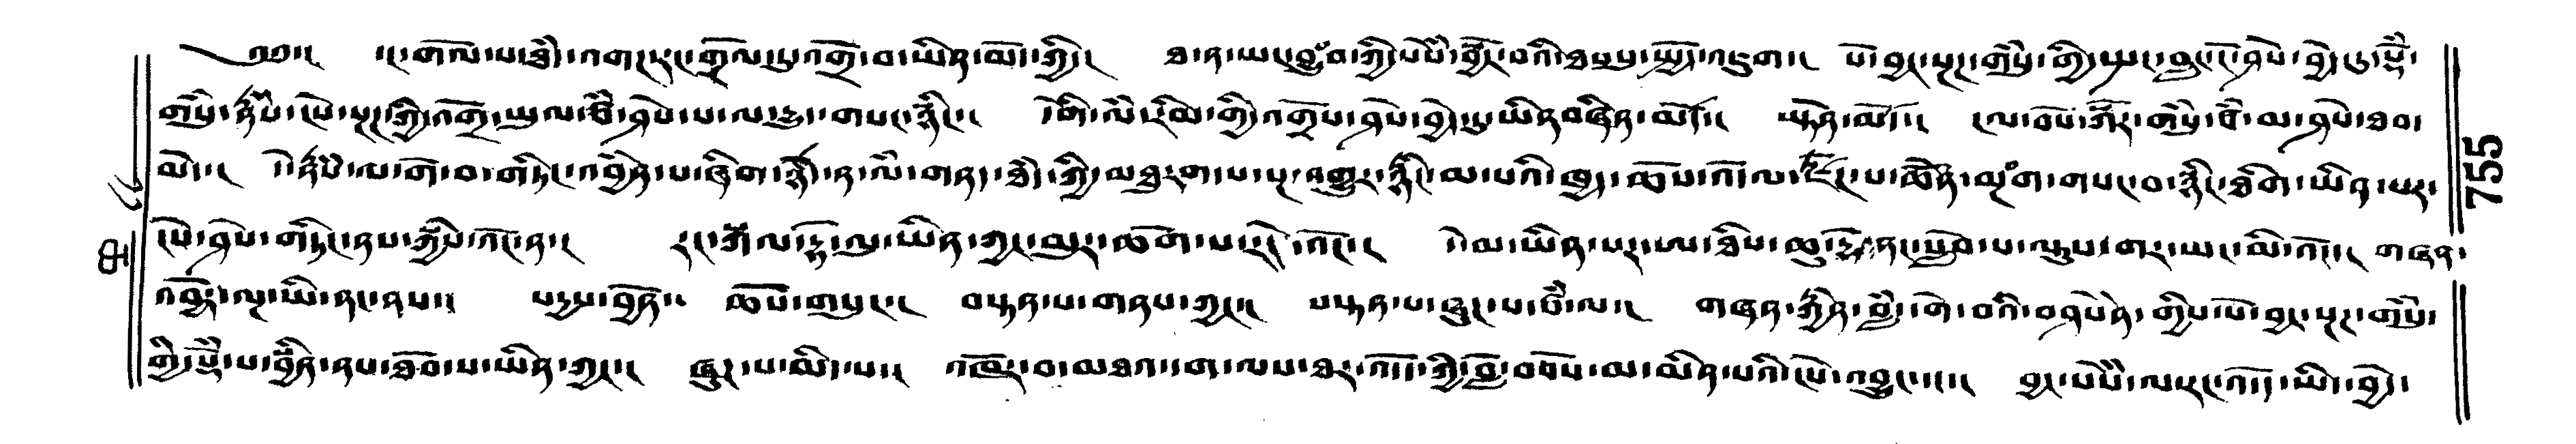དང་གོལ་ས་ཐམས་ཅད་འགག་རང་གྲོལ་དུ་འགྲོ་བ་ཡིན་མོད་ཀྱི། ཐ་ན་ཡང་བྱང་ཆུབ་ཀྱི་སེམས་སྦྱོང་བའི་ཐབས་སུ་སྤྱོད་འཇུག སོ་བྱང་སྔགས་གསུམ་གྱི་སྤང་བླང་ངོ་ཤེས་བྱེད་དུ་སྡོམ་
གསུམ་རྣམ་ངེས། སྔགས་ཀྱི་འགྲོ་ཡུལ་ཙམ་ཤེས་པ་ལ་རྒྱུད་གསང་སྙིང་། དམ་ཚིག་ལམ་རིམ་གྱི་འགྲོས་ཤེས་བྱེད་དུ་ཡིད་བཞིན་མཛོད། ཡོན་ཏན་མཛོད། ངལ་གསོ་སྐོར་གསུམ་ཙམ་མ་ཤེས་ཐབས་
མེད། དེ་རྣམས་ལ་གོ་བ་གཏིང་ཕྱིན་པ་ཞིག་རྙེད་ན་ལམ་གནད་ཐམས་ཅད་ཀྱི་མཐར་ཐུག་པ་སྔ་འགྱུར་རྙིང་མ་པའི་ཁྱད་ཆོས་འོད་གསལ་རྫོགས་པ་ཆེན་མོ་མན་ངག་གསང་བ་སྙིང་ཐིག་ཡིན་པར
ངེས་ཤེས་གཏིང་ནས་སྐྱེས་འོང་ན། རང་སྐལ་རྡོ་ལུ་ཡིན་ཀྱང་མུར་ཆོག་པ་རེད་འོང་། དེ་མ་ཡིན་པར་ཨ་ཐིས་ཆུ་རྡོ་ནང་སླེབ་པ་ལྟ་བུས་གར་ཡང་མི་འོང་། གཞན་
འབྱོར་ལྔ་ཡི་ནང་ནས། སངས་རྒྱས་བྱོན། ཆོས་གསུངས། བསྟན་པ་གནས་ཀྱང་། བསྟན་པ་ཞུགས་པ་ཙམ་ལ། གཞན་རྐྱེན་བླ་མ་དགེ་བའི་བཤེས་གཉེན་གྱི་སོ་བྱང་སྔགས་གསུམ་
གྱི་སྡོམ་པ་སྦྱིན་ནས་ཐོབ་པ་ཡིན་ཀྱང་། ཞུགས་པ་མེད་པ། འཁོར་བ་མཐའ་དག་ལས་ཐར་འདོད་ཀྱི་བློ་བཅོས་མ་མིན་པའི་ངེས་འབྱུང་དང་། བྱང་སེམས་ལ་རང་འདོད་ཡིད་བྱེད་